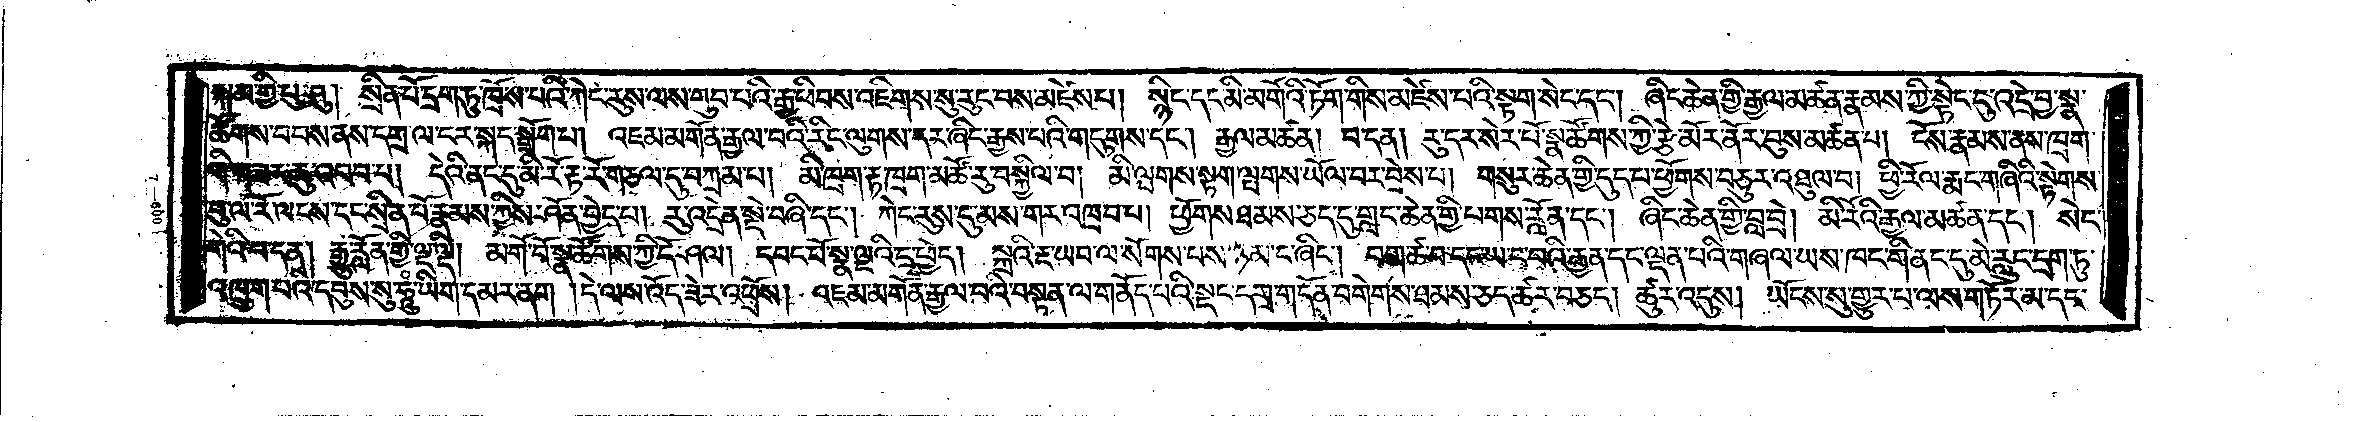སྐམ་གྱི་པུ་ཤུ། སྲིན་པོ་དྲག་ཏུ་ཁྲོས་པའི་ཀེང་རུས་ལས་གྲུབ་པའི་རྒྱ་ཕིབས་འཇིགས་སུ་རུང་བས་མཛེས་པ། སྙིང་དང་མི་མགོའི་ཏོག་གིས་མཛེས་པའི་སྟག་སེང་དང་། ཞིང་ཆེན་གྱི་རྒྱལ་མཚན་རྣམས་ཀྱི་སྟེང་དུ་འདྲེ་བྱ་སྣ་
ཚོགས་བབས་ནས་དགྲ་ལ་ངར་སྐད་སྒྲོག་པ། འཇམ་མགོན་རྒྱལ་བའི་རིང་ལུགས་དར་ཞིང་རྒྱས་པའི་གདུགས་དང་། རྒྱལ་མཚན། བ་དན། རུ་དར་སེར་པོ་སྣ་ཚོགས་ཀྱི་རྩེ་མོར་ནོར་བུས་མཚན་པ། ངོས་རྣམས་ནས་ཁྲག་
གི་གཟར་ཆུ་འབབ་པ། དེའི་ནང་དུ་མི་རོ་རྟ་རོ་གཅལ་དུ་བཀྲམ་པ། མི་ཁྲག་རྟག་ཁྲག་མཚོ་རུ་བསྐྱིལ་བ། མི་ལྤགས་སྟག་ལྤགས་ཡོལ་བར་བྲེས་པ། གསུར་ཆེན་གྱི་དུད་པ་ཕྱོགས་བཅུར་འཐུལ་བ། ཕྱི་རོལ་རྨང་གཞིའི་སྟེགས་
བུ་འཁོར་ལངས་དང་སྲིན་ཕོ་རྣམས་ཀྱིས་ཤོན་བྱེད་པ། རུ་འདྲེན་སྡོ་བཞི་དང་། ཀེང་རུས་དུ་མས་གར་འཁྲབ་པ། ཕྱོགས་ཐམས་ཅད་དུ་གླང་ཆེན་གྱི་པགས་རློན་དང་། ཞིང་ཆེན་གྱི་བླ་བྲེ། མི་རོའི་རྒྱལ་མཚན་དང་། སེང་
གེའི་བ་དན། རྒྱུ་རློན་གྱི་ལྔ་ལྡི། མགོ་བོ་སྣ་ཚོགས་ཀྱི་དོ་ཤལ། དབང་པོ་སྣ་ལྔའི་དྲྭ་ཕྱེད། སྐྲའི་རྔ་ཡབ་ལ་སོགས་པས་ཉམ་ང་ཞིང་། བག་ཚབ་དང་ཡང་བའི་རྒྱན་དང་ལྡན་པའི་གཞལ་ཡས་ཁང་གི་ནང་དུ་མེ་རླུང་དྲག་ཏུ་
འཁྲུག་པའི་དབུས་སུ་ཧཱུཾ་ཡིག་དམར་ནག །དེ་ལས་འོད་ཟེར་འཕྲོས། འཇམ་མགོན་རྒྱལ་བའི་བསྟན་ལ་གནོད་པའི་སྡང་དགྲ་གདོན་བགེགས་ཐམས་ཅད་ཚར་བཅད། ཚུར་འདུས། ཡོངས་སུ་གྱུར་པ་ལས་གཏོར་མ་དང་